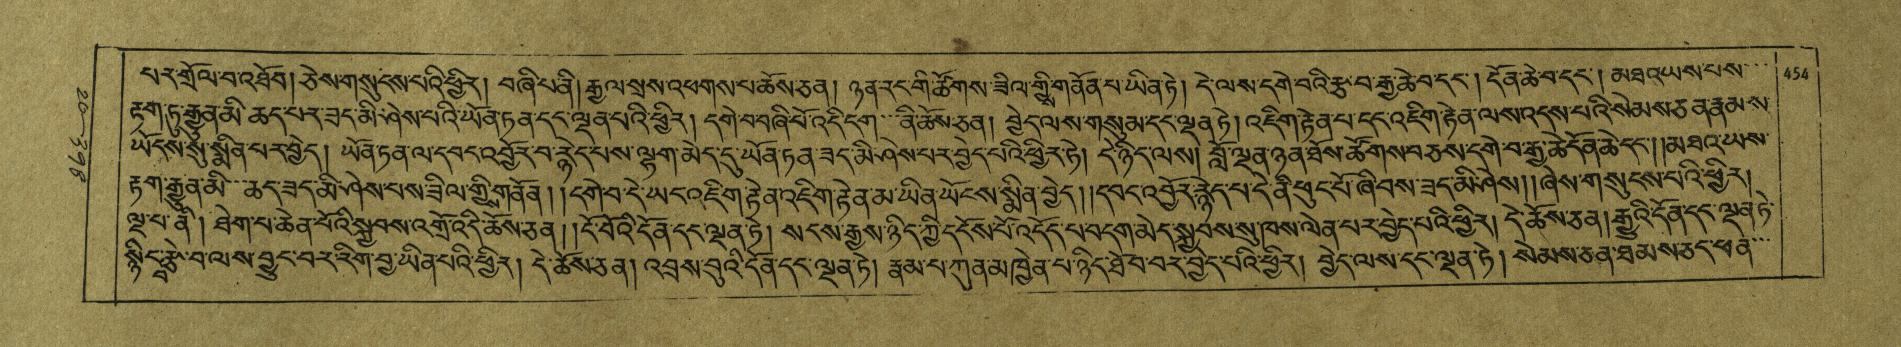པར་གྲོལ་བ་འཐོབ། ཅེས་གསུངས་པའི་ཕྱིར། བཞི་པ་ནི། རྒྱལ་སྲས་འཕགས་པ་ཆོས་ཅན། ཉན་རང་གི་ཚོགས་ཟིལ་གྱིས་གནོན་པ་ཡིན་ཏེ། དེ་ལས་དགེ་བའི་རྩ་བ་རྒྱ་ཆེ་བ་དང་། དོན་ཆེ་བ་དང་། མཐའ་ཡས་པས་
རྟག་ཏུ་རྒྱུན་མི་ཆད་པར་ཟད་མི་ཤེས་པའི་ཡོན་ཏན་དང་ལྡན་པའི་ཕྱིར། དགེ་བ་བཞི་པོ་འདི་དག་ནི་ཆོས་ཅན། བྱེད་ལས་གསུམ་དང་ལྡན་ཏེ། འཇིག་རྟེན་པ་དང་འཇིག་རྟེན་ལས་འདས་པའི་སེམས་ཅན་རྣམས་
ཡོངས་སུ་སྨིན་པར་བྱེད། ཡོན་ཏན་ལ་དབང་འབྱོར་བ་རྙེད་པས་ལྷག་མེད་དུ་ཡོན་ཏན་ཟད་མི་ཤེས་པར་བྱེད་པའི་ཕྱིར་ཏེ། དེ་ཉིད་ལས། བློ་ལྡན་ཉན་ཐོས་ཚོགས་བཅས་དགེ་བ་རྒྱ་ཆེ་དོན་ཆེ་དང་། །མཐའ་ཡས་
རྟག་རྒྱུན་མི་ཆད་ཟད་མི་ཤེས་པས་ཟིལ་གྱིས་གནོན། །དགེ་བ་དེ་ཡང་འཇིག་རྟེན་འཇིག་རྟེན་མ་ཡིན་ཡོངས་སྨིན་བྱེད། །དབང་འབྱོར་རྙེད་པ་དེ་ནི་ཕུང་པོ་ཞི་བས་ཟད་མི་ཤེས། །ཞེས་གསུངས་པའི་ཕྱིར།
ལྔ་པ་ནི། ཐེག་པ་ཆེན་པོའི་སྐྱབས་འགྲོ་འདི་ཆོས་ཅན། །ངོ་བོའི་དོན་དང་ལྡན་ཏེ། སངས་རྒྱས་ཉིད་ཀྱི་དངོས་པོ་འདོད་པ་བདག་མེད་སྐྱབས་སུ་ཁས་ལེན་པར་བྱེད་པའི་ཕྱིར། དེ་ཆོས་ཅན། རྒྱུའི་དོན་དང་ལྡན་ཏེ་
སྙིང་བརྩེ་བ་ལས་བྱུང་བར་རིག་བྱ་ཡིན་པའི་ཕྱིར། དེ་ཆོས་ཅན། འབྲས་བུའི་དོན་དང་ལྡན་ཏེ། རྣམ་པ་ཀུན་མཁྱེན་པ་ཉིད་ཐོབ་བར་བྱེད་པའི་ཕྱིར། བྱེད་ལས་དང་ལྡན་ཏེ། སེམས་ཅན་ཐམས་ཅད་ཕན་